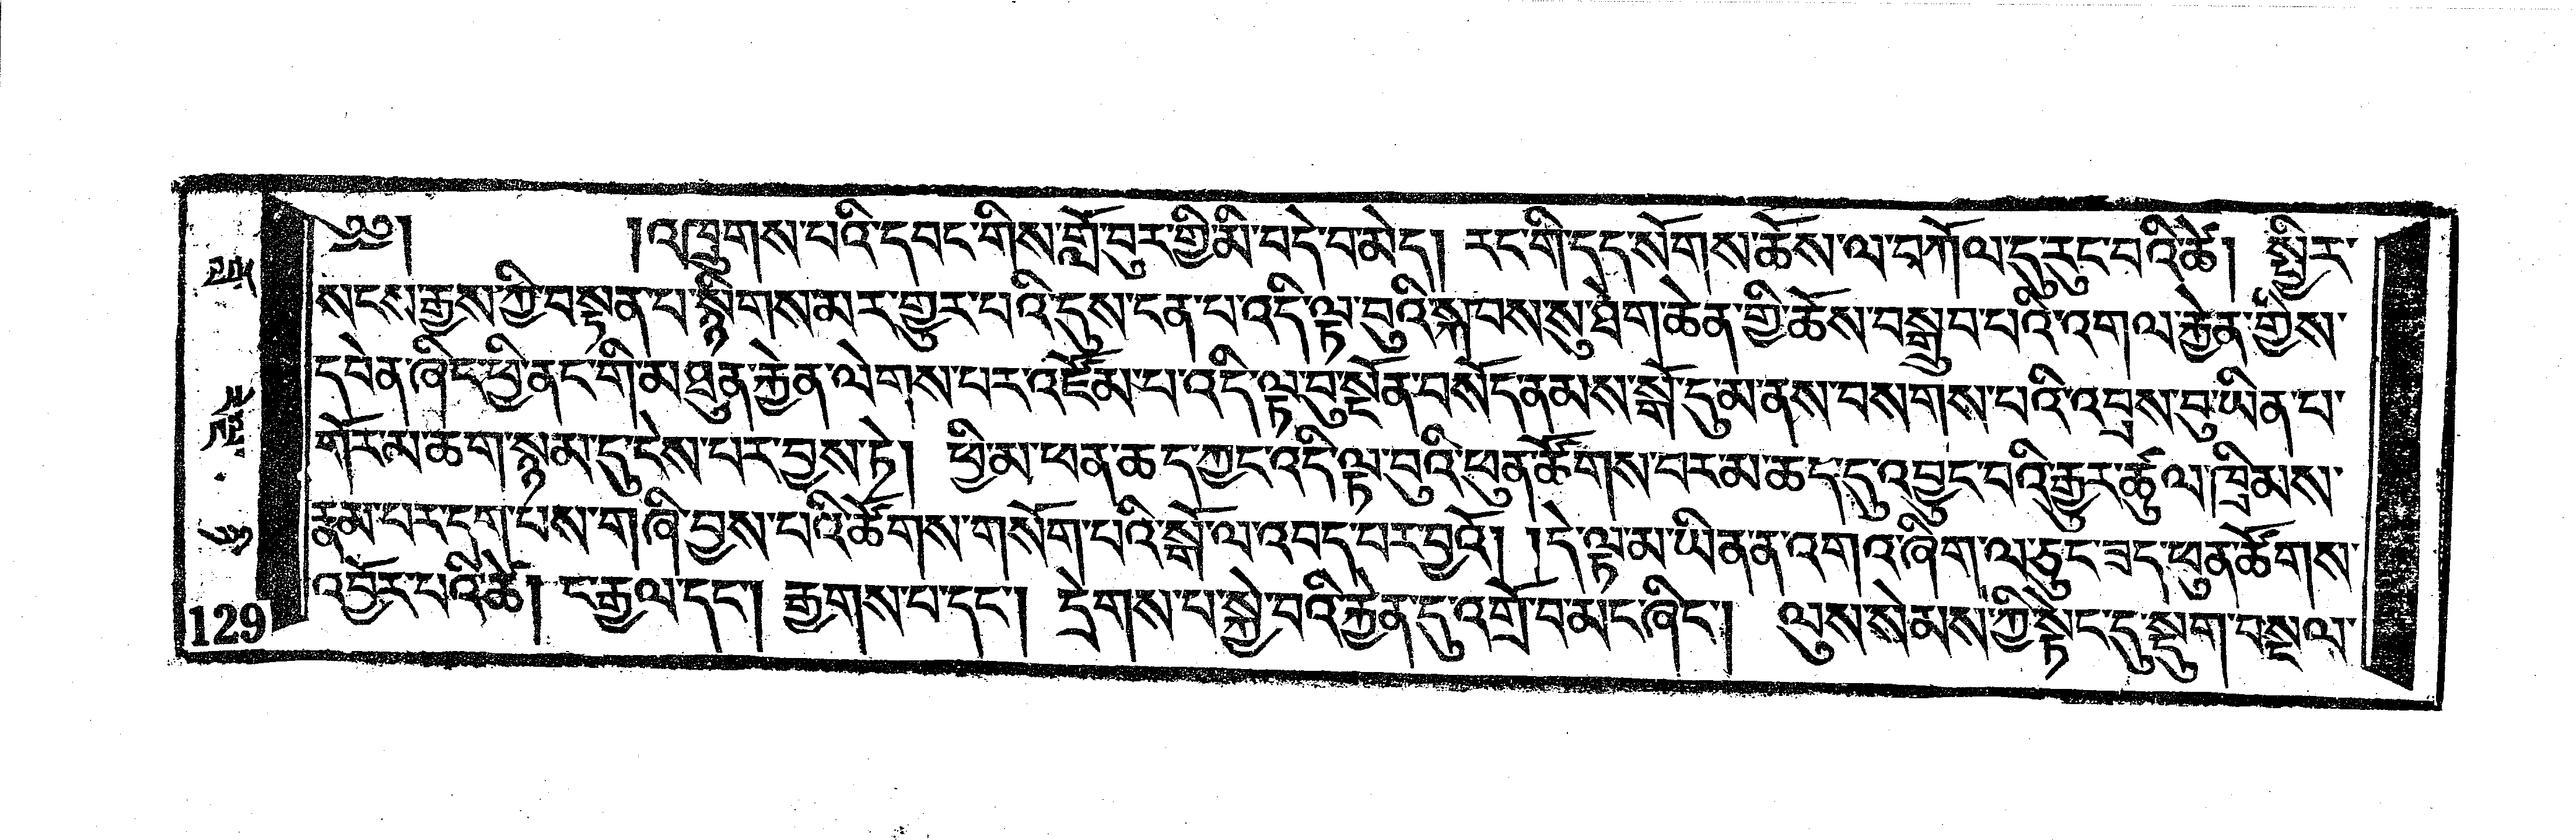༄༅། །འཁྲུགས་པའི་དབང་གིས་གློ་བུར་གྱི་མི་བདེ་བ་མེད། རང་གི་དད་སོགས་ཆོས་ལ་བཀོལ་དུ་རུང་བའི་ཚེ། སྤྱིར་
སངས་རྒྱས་ཀྱི་བསྟན་པ་སྙིགས་མར་གྱུར་པའི་དུས་ངན་པ་འདི་ལྟ་བུའི་སྐབས་སུ་ཐེག་ཆེན་གྱི་ཆོས་བསྒྲུབ་པའི་འགལ་རྐྱེན་གྱིས་
དབེན་ཞིང་ཕྱི་ནང་གི་མཐུན་རྐྱེན་ལེགས་པར་འཛོམ་པ་འདི་ལྟ་བུ་སྔོན་བསོད་ནམས་སྒོ་དུ་མ་ནས་བསགས་པའི་འབྲས་བུ་ཡིན་པ་
གོར་མ་ཆག་སྙམ་དུ་ངེས་པར་བྱས་ཏེ། ཕྱི་མ་ཕན་ཆད་ཀྱང་འདི་ལྟ་བུའི་ཕུན་ཚོགས་བར་མ་ཆད་དུ་འབྱུང་བའི་རྒྱུར་ཚུལ་ཁྲིམས་
རྣམ་པར་དག་པས་གཞི་བྱས་པའི་ཚོགས་གསོག་པའི་སྒོ་ལ་འབད་པར་བྱའོ། །དེ་ལྟ་མ་ཡིན་ན་འགའ་ཞིག་ལ་ཅུང་ཟད་ཕུན་ཚོགས་
འབྱོར་པའི་ཚེ། ང་རྒྱལ་དང་། རྒྱགས་པ་དང་། དྲེགས་པ་སྐྱེ་བའི་རྐྱེན་དུ་འགྲོ་བ་མང་ཞིང་། ལུས་སེམས་ཀྱི་སྟེང་དུ་སྡུག་བསྔལ་